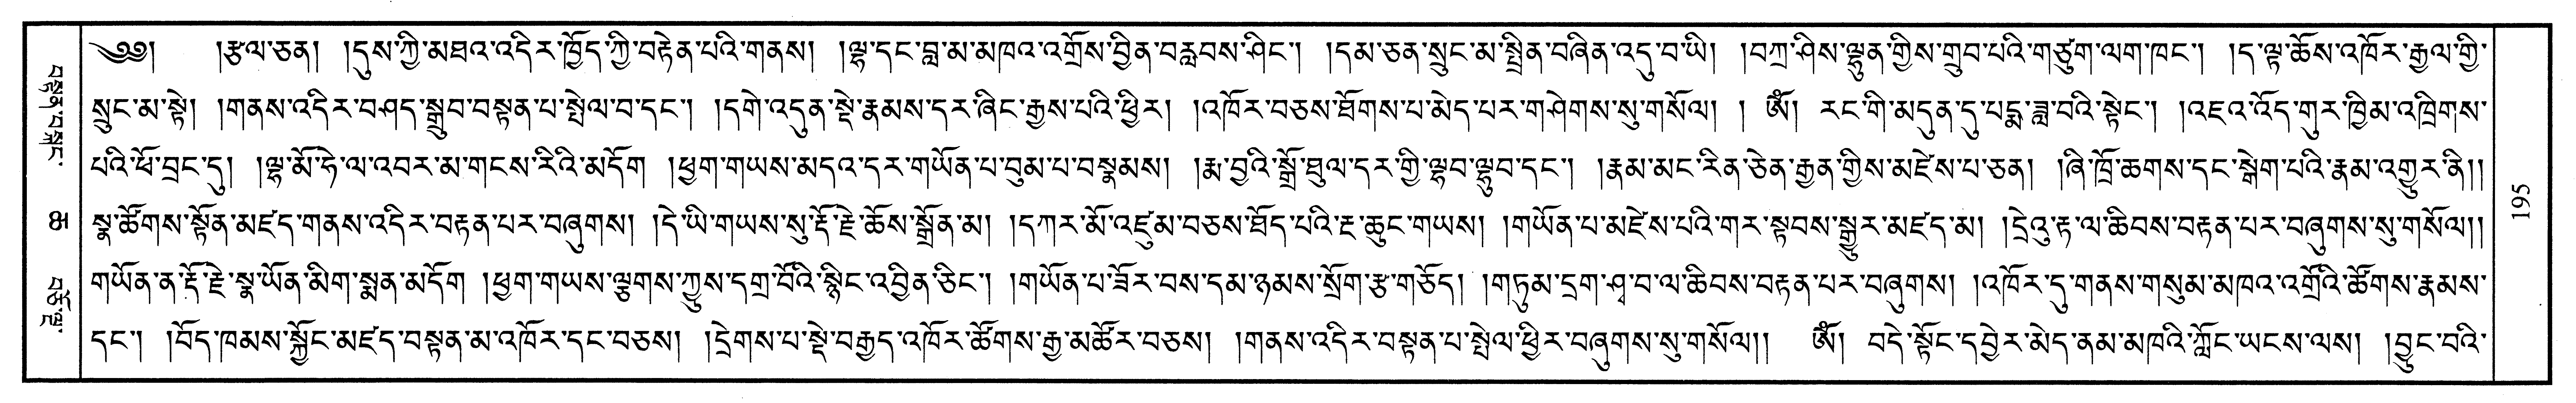༄༅། །རྩལ་ཅན། །དུས་ཀྱི་མཐའ་འདིར་ཁྱོད་ཀྱི་བརྟེན་པའི་གནས། །ལྷ་དང་བླ་མ་མཁའ་འགྲོས་བྱིན་བརླབས་ཤིང་། །དམ་ཅན་སྲུང་མ་སྤྲིན་བཞིན་འདུ་བ་ཡི། །བཀྲ་ཤིས་ལྷུན་གྱིས་གྲུབ་པའི་གཙུག་ལག་ཁང་། །ད་ལྟ་ཆོས་འཁོར་རྒྱལ་གྱི་
སྲུང་མ་སྟེ། །གནས་འདིར་བཤད་སྒྲུབ་བསྟན་པ་སྤེལ་བ་དང་། །དགེ་འདུན་སྡེ་རྣམས་དར་ཞིང་རྒྱས་པའི་ཕྱིར། །འཁོར་བཅས་ཐོགས་པ་མེད་པར་གཤེགས་སུ་གསོལ། །ཨོཾ། རང་གི་མདུན་དུ་པདམ་ཟླ་བའི་སྟེང་། །འཇའ་འོད་གུར་ཁྱིམ་འཁྲིགས་
པའི་ཕོ་བྲང་དུ། །ལྷ་མོ་ཧེ་ལ་འབར་མ་གངས་རིའི་མདོག །ཕྱག་གཡས་མདའ་དར་གཡོན་པ་བུམ་པ་བསྣམས། །རྨ་བྱའི་སྒྲོ་ཐུལ་དར་གྱི་ལྷབ་ལྷུབ་དང་། །རྣམ་མང་རིན་ཅེན་རྒྱན་གྱིས་མཛེས་པ་ཅན། །ཞི་ཁྲོ་ཆགས་དང་སྒེག་པའི་རྣམ་འགྱུར་ནི།།
སྣ་ཚོགས་སྟོན་མཛད་གནས་འདིར་བརྟན་པར་བཞུགས། །དེ་ཡི་གཡས་སུ་རྡོ་རྗེ་ཆོས་སྒྲོན་མ། །དཀར་མོ་འཛུམ་བཅས་ཐོད་པའི་རྔ་ཆུང་གཡས། །གཡོན་པ་མཛེས་པའི་གར་སྟབས་སྒྱུར་མཛད་མ། །དྲེའུ་རྟ་ལ་ཆིབས་བརྟན་པར་བཞུགས་སུ་གསོལ།།
གཡོན་ན་རྡོ་རྗེ་སྣ་ཡོན་མིག་སྨན་མདོག །ཕྱག་གཡས་ལྕགས་ཀྱུས་དགྲ་བོའི་སྙིང་འབྱིན་ཅིང་། །གཡོན་པ་ཟོར་བས་དམ་ཉམས་སྲོག་རྩ་གཅོད། །གཏུམ་དྲག་ཤྭ་བ་ལ་ཆིབས་བརྟན་པར་བཞུགས། །འཁོར་དུ་གནས་གསུམ་མཁའ་འགྲོའི་ཚོགས་རྣམས་
དང་། །བོད་ཁམས་སྐྱོང་མཛད་བསྟན་མ་འཁོར་དང་བཅས། །དྲེགས་པ་སྡེ་བརྒྱད་འཁོར་ཚོགས་རྒྱ་མཚོར་བཅས། །གནས་འདིར་བསྟན་པ་སྤེལ་ཕྱིར་བཞུགས་སུ་གསོལ།། ཨོཾ། བདེ་སྟོང་དབྱེར་མེད་ནམ་མཁའི་ཀློང་ཡངས་ལས། །བྱུང་བའི་